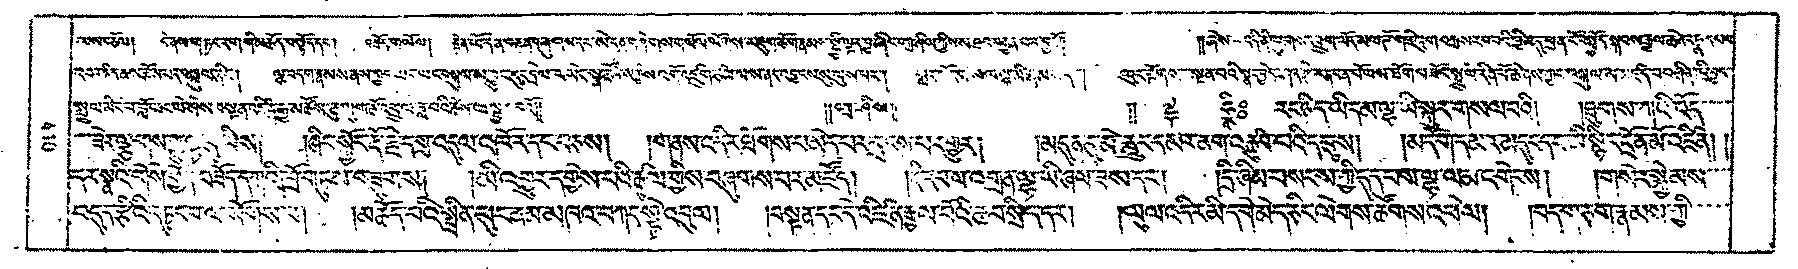ལས་བཅོལ། དེ་ནས་གཏང་རག་གི་མཆོད་བསྟོད་དང་། བཟོད་གསོལ། རྟེན་ཡོད་ན་བརྟན་བཞུགས་དང་མེད་ན་གཤེགས་གསོལ་སོགས་མཇུག་ཆོག་རྣམས་སྤྱི་ལྟར་བྱ་ཞིང་བཀྲ་ཤིས་ཀྱིས་མཐའ་བརྒྱན་པར་བྱའོ།། །།ཞེས་པ་འདི་ནི་ལྕགས་འབྲུག་ལོར་མལ་ཌོ་གཟི་ཕུག་བཀྲས་རབ་པའི་ཁྱིམ་དུ་ཕྲན་དོ་བསྐྱོད་སྐབས་རྒྱལ་ཆེན་རཏྣ་དཔལ་
འབར་ཉིད་ནས་རྩོམ་པར་བསྐུལ་ཞིང་། ལྷ་བདག་རྣམས་ནས་ཀྱང་ཡང་ཡང་བསྐུལ་མ་བྱུང་རུང་བྲེལ་གཡེང་སྣ་ཚོགས་ཀྱིས་འགོ་འཛུག་ཙམ་ལས་ནར་འགྱངས་སུ་ལུས་པར། སླར་གོང་གསལ་ལྷ་མི་རྣམས་དང་། ལུང་རྟོགས་བསྟན་པའི་སྣང་བྱེད་ཤར་རྩེ་མཁན་པོ་ལས་ཐོག་པ་ཟོང་སྤྲུལ་རིན་པོ་ཆེ་ནས་ཀྱང་བསྐུལ་མ་མཛད་པ་བཞིན་ཁྲི་བྱང་
སྤྲུལ་མིང་པ་བློ་བཟང་ཡེ་ཤེས་བསྟན་འཛིན་རྒྱ་མཚོས་ཆུ་ལུག་ཆོ་འཕྲུལ་ཟླ་བའི་ཚེས་ལ་སྦྱར་བའོ།། །།བཀྲ་ཤིས།། །། ༈ ཧྲཱིཿ རང་ཉིད་ཡི་དམ་ལྷ་ཡི་སྐུར་གསལ་བའི། །ཐུགས་ཀའི་འོད་
ཟེར་ལྕགས་ཀྱུ་ལྟ་བུ་ཡིས། །ཞིང་སྐྱོང་རྡོ་རྗེ་དགྲ་འདུལ་འཁོར་དང་བཅས། །གནས་འདིར་ཐོགས་པ་མེད་པར་དྲངས་པར་གྱུར། །མདུན་དུ་མེ་རླུང་དམར་ནག་འཚུབ་པའི་དབུས། །མདོག་དམར་མདུང་དང་མི་སྙིང་དྲོན་མོ་འཛིན། །
དར་སྣའི་གོས་གྱོན་བཟོད་དཀའི་ཁྲོ་གཏུམ་གཟུགས། །མི་འགྱུར་དགྱེས་པའི་ཚུལ་གྱིས་བཞུགས་པར་མཛོད། །རི་རབ་ལ་འགྲན་ལྷ་ཡི་ཞལ་ཟས་དང་། །དྲི་ཞིམ་བསངས་ཀྱི་དུད་པས་ལྷ་ལམ་འགེངས། །གསེར་སྐྱེམས་
བདུད་རྩིའི་བཏུང་བ་ལ་སོགས་པ། །མཆོད་པའི་སྤྲིན་ཕུང་ནམ་མཁའ་བཀང་སྟེ་འབུལ། །བསྟན་དང་དེ་འཛིན་རྒྱལ་པོའི་ཆབ་སྲིད་དར། །ཡུལ་འདིར་མི་དགེ་མེད་ཅིང་ལེགས་ཚོགས་འཕེལ། །བདག་ཅག་རྣམས་ཀྱི་